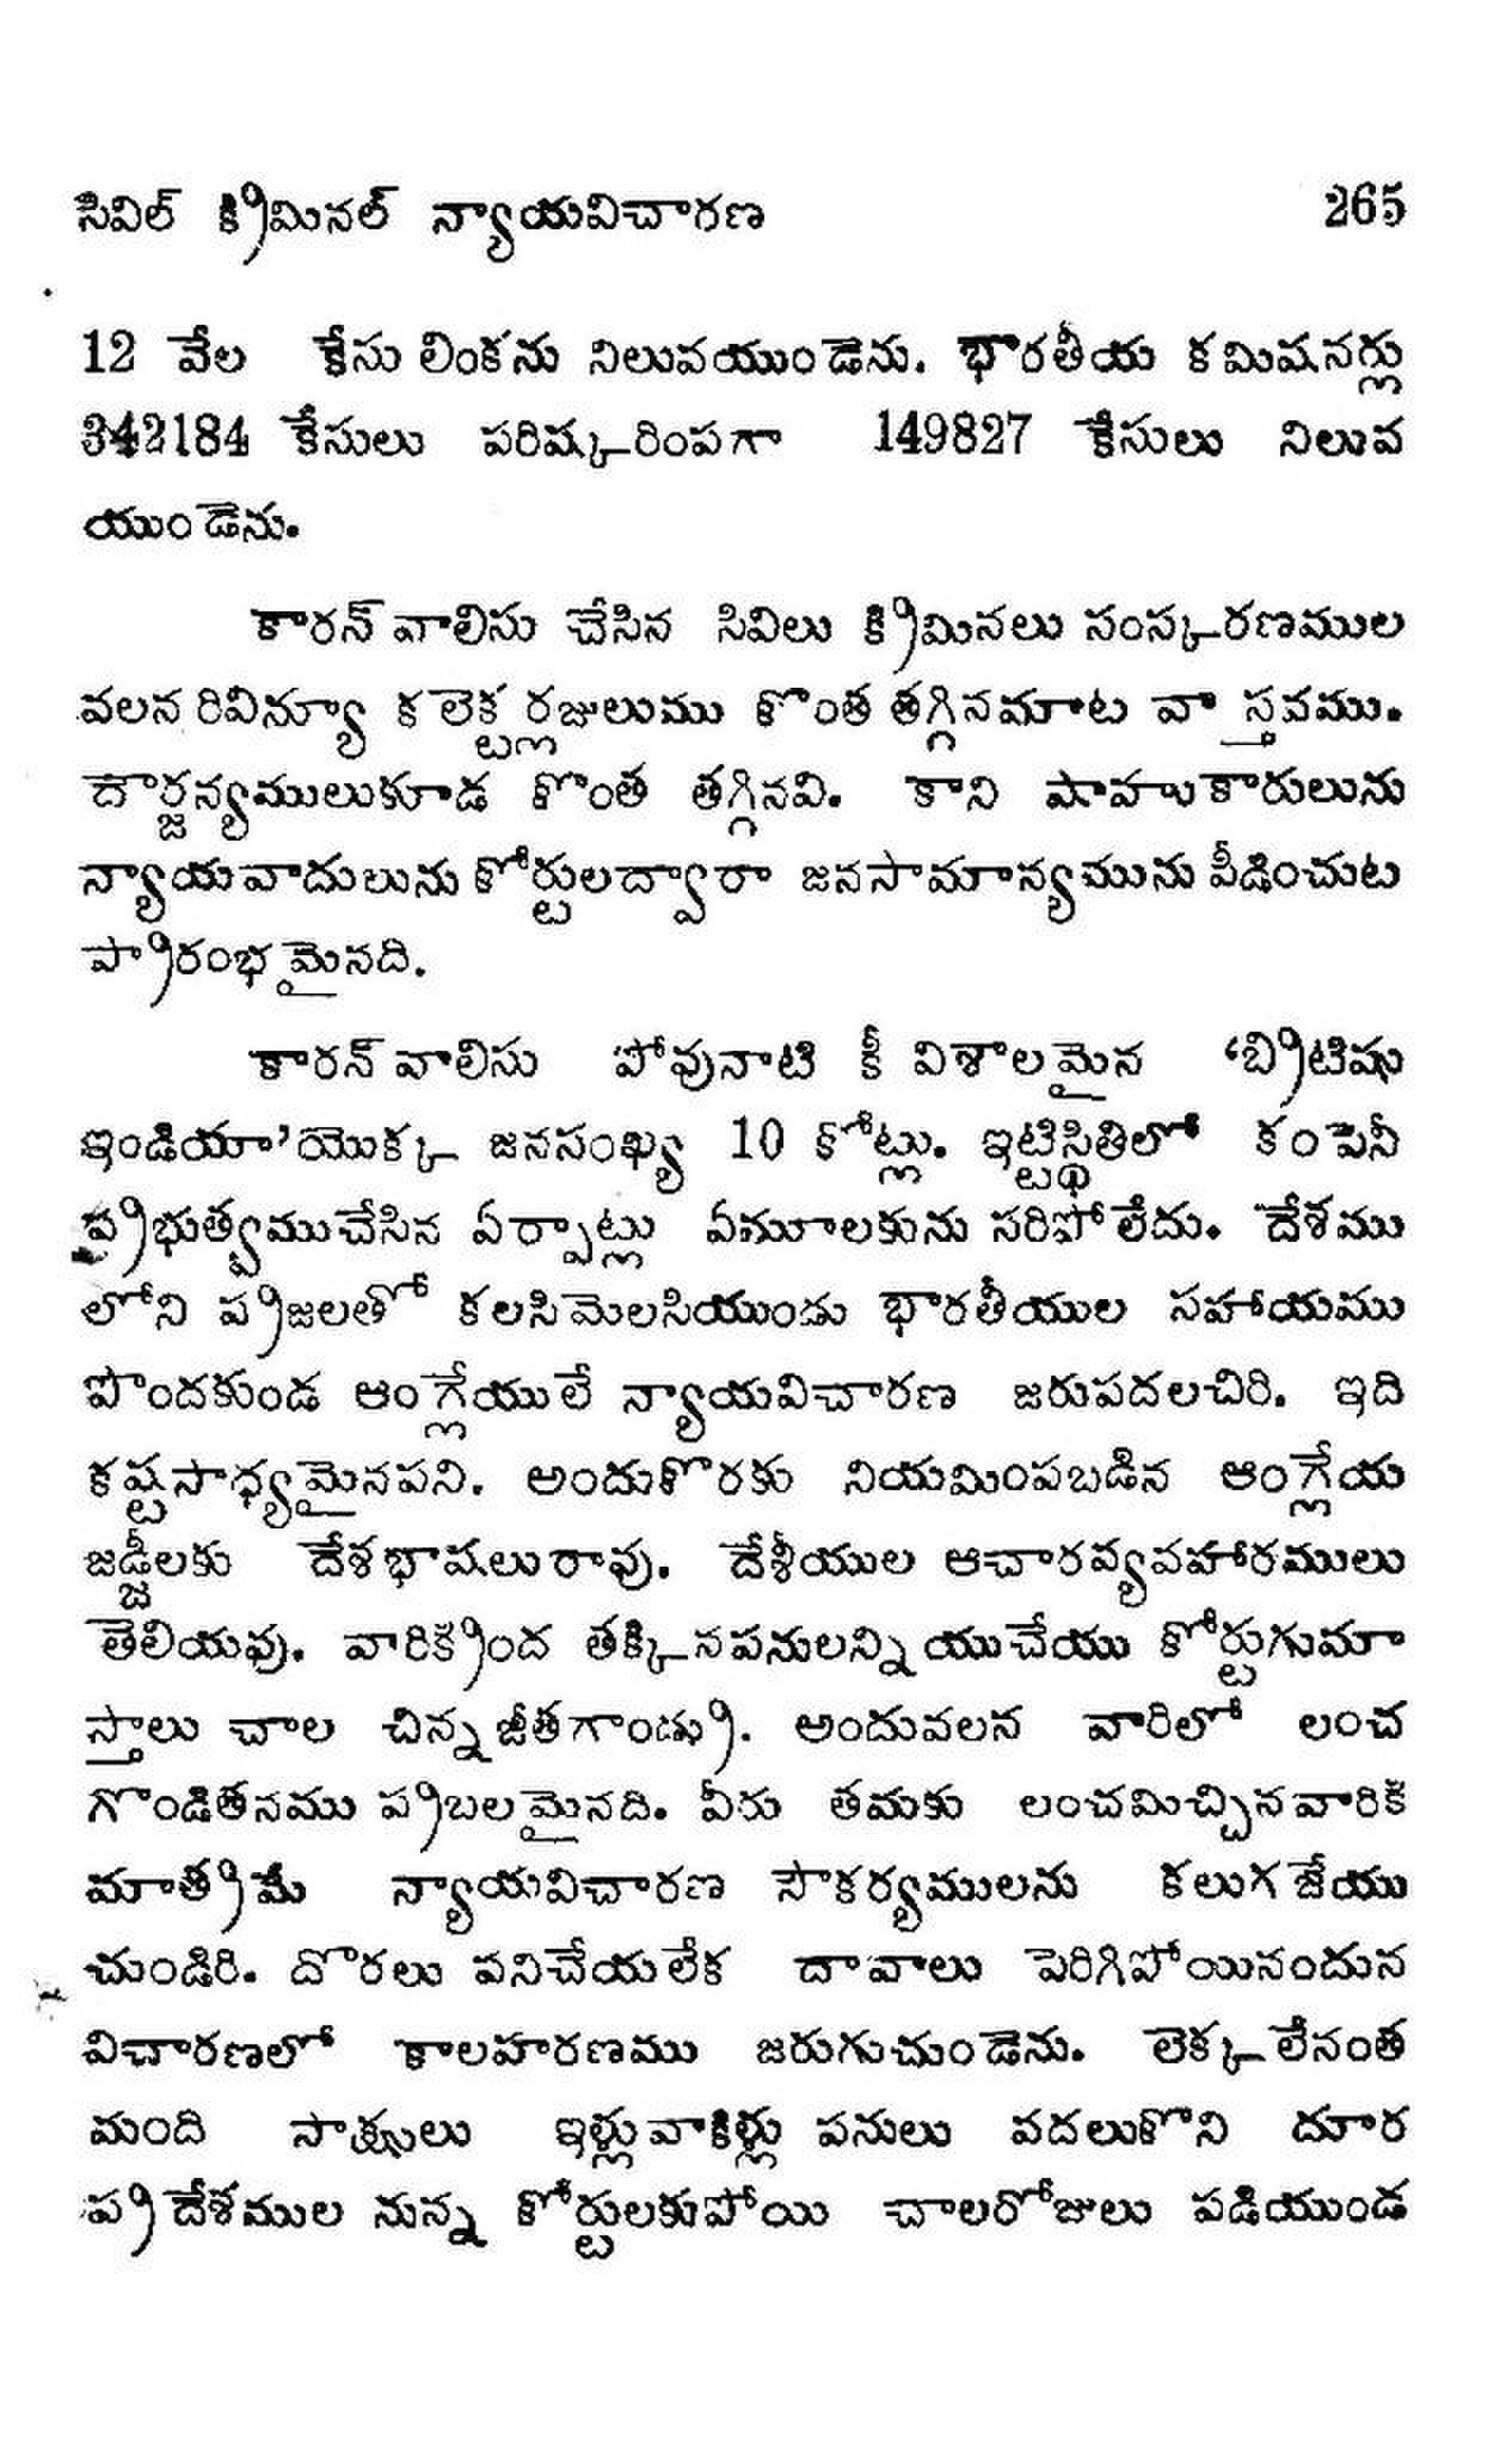12 వేల కేసులింకను నిలువయుండెను. భారతీయ కమిషనర్లు 342184 కేసులు పరిష్కరింపగా 149827 కేసులు నిలువ యుండెను.

కారన్ వాలిసు చేసిన సివిలు క్రిమినలు సంస్కరణముల వలన రివిన్యూ కలెక్టర్లజులుము కొంత తగ్గినమాట వాస్తవము. దౌర్జన్యములుకూడ కొంత తగ్గినవి. కాని షాహుకారులును న్యాయవాదులును కోర్టులద్వారా జనసామాన్యమును పీడించుట ప్రారంభమైనది.

కారన్ వాలిసు పోవునాటి కీ విశాలమైన 'బ్రిటిషు ఇండియా'యొక్క జనసంఖ్య 10 కోట్లు. ఇట్టిస్థితిలో కంపెనీ ప్రభుత్వము చేసిన ఏర్పాట్లు ఏమూలకును సరిపోలేదు. దేశములోని ప్రజలతో కలసిమెలసియుండు భారతీయుల సహాయము పొందకుండ ఆంగ్లేయులే న్యాయవిచారణ జరుపదలచిరి. ఇది కష్టసాధ్యమైనపని. అందుకొరకు నియమింపబడిన ఆంగ్లేయ జడ్జీలకు దేశభాషలురావు. దేశీయుల ఆచారవ్యవహారములు తెలియవు. వారిక్రింద తక్కినపనులన్నియుచేయు కోర్టుగుమాస్తాలు చాల చిన్నజీతగాండ్రు. అందువలన వారిలో లంచగొండితనము ప్రబలమైనది. వీరు తమకు లంచమిచ్చినవారికి మాత్రమే న్యాయవిచారణ సౌకర్యములను కలుగజేయు చుండిరి. దొరలు పనిచేయలేక దావాలు పెరిగిపోయినందున విచారణలో కాలహరణము జరుగుచుండెను. లెక్కలేనంతమంది సాక్షులు ఇళ్లువాకిళ్లు పనులు వదలుకొని దూరప్రదేశముల నున్న కోర్టులకుపోయి చాలరోజులు పడియుండ